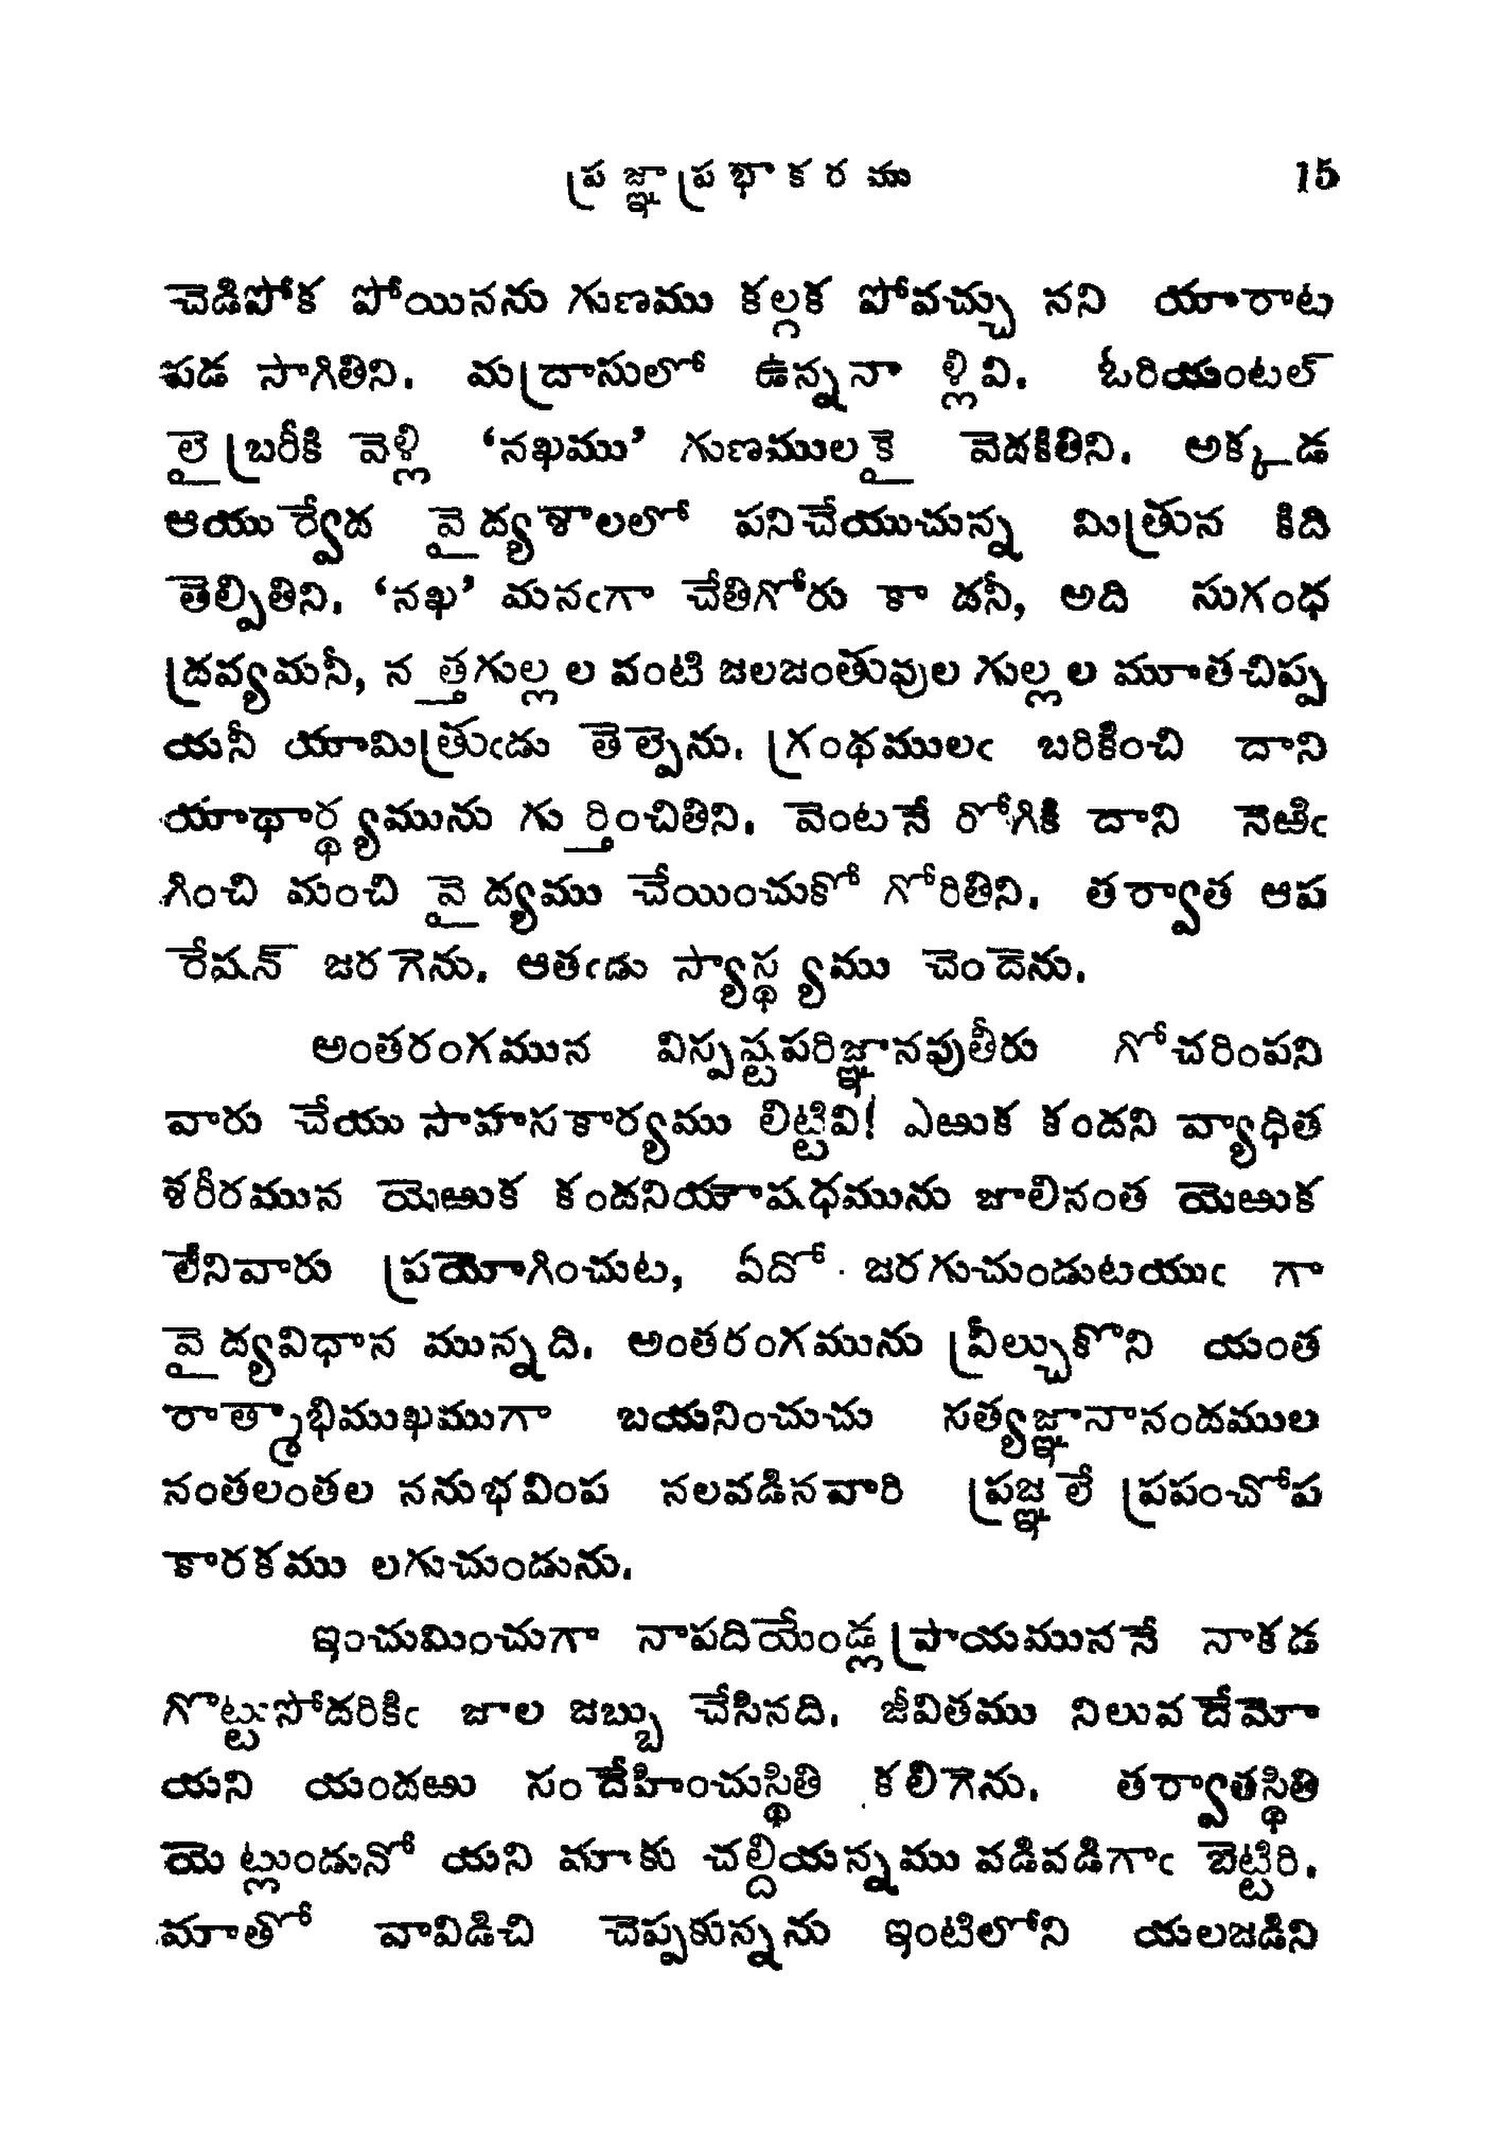చెడిపోక పోయినను గుణము కల్గక పోవచ్చునని యారాట పడ సాగితిని. మద్రాసులో ఉన్న నాళ్ళవి. ఓరియంటల్ లైబ్రరీకి వెళ్ళి 'నఖము'గణములకై వెదకితిని. అక్కడ ఆయు ర్వేద వైద్యశాలలో పని చేయుచున్న మిత్రున కిది తెల్పితిని. 'నఖ' మనఁ గా చేతి గోరు కాదనీ, అది సుగంధద్రవ్యమనీ, నత్తగుల్ల వంటి జలజంతువుల గుల్లల మూతచిప్పయనీ యాధార్ధ్యమును గుర్తించితిని. వెంటనే రోగిని దానినెఱిఁగించి మంచి వైద్యము చేయించుకో గోరితిని. తర్వాత ఆపరేషన్ జరగెను. ఆతఁడు స్వాస్ధ్యము చెందెను.
 
అంతంరంగంమున విస్పష్టపరిజ్ఞానపుతీరు గోచరింపని వారు చేయు సాహసకార్యము లిట్టివి! ఎఱుక కందనియౌషధమును జాలినంత యెఱుక లేనివారు ప్రయోగించుట, ఏదో జరుగు చుండుటయుఁ గా వైద్య విధాన మున్నది. అంతరంగమును పీల్చుకొని యంత రాత్మాభిముఖముగా బయనించుచు సత్యజ్ఞానానందముల నంతలతల ననుభవింప నలవడిన వారి ప్రజ్ఞలే ప్రపంచోప కారకము లగుచుండును.
 
ఇంచుమించు నాపదియేండ్ల ప్రాయముననే నాకడ గొట్టు సోదరికిఁ జాల జబ్బు చేసినది. జీవితము నిలువ దేమోయని యందఱు సందేహించు స్థితి కలిగెను. తర్వాత స్థితి యెట్లుండునో యని మాకు చల్దియన్నము వడివడిగాఁ బెట్టిరి. మాతో వావిడిచి చెప్పకున్నను ఇంటిలోని యలజడిని